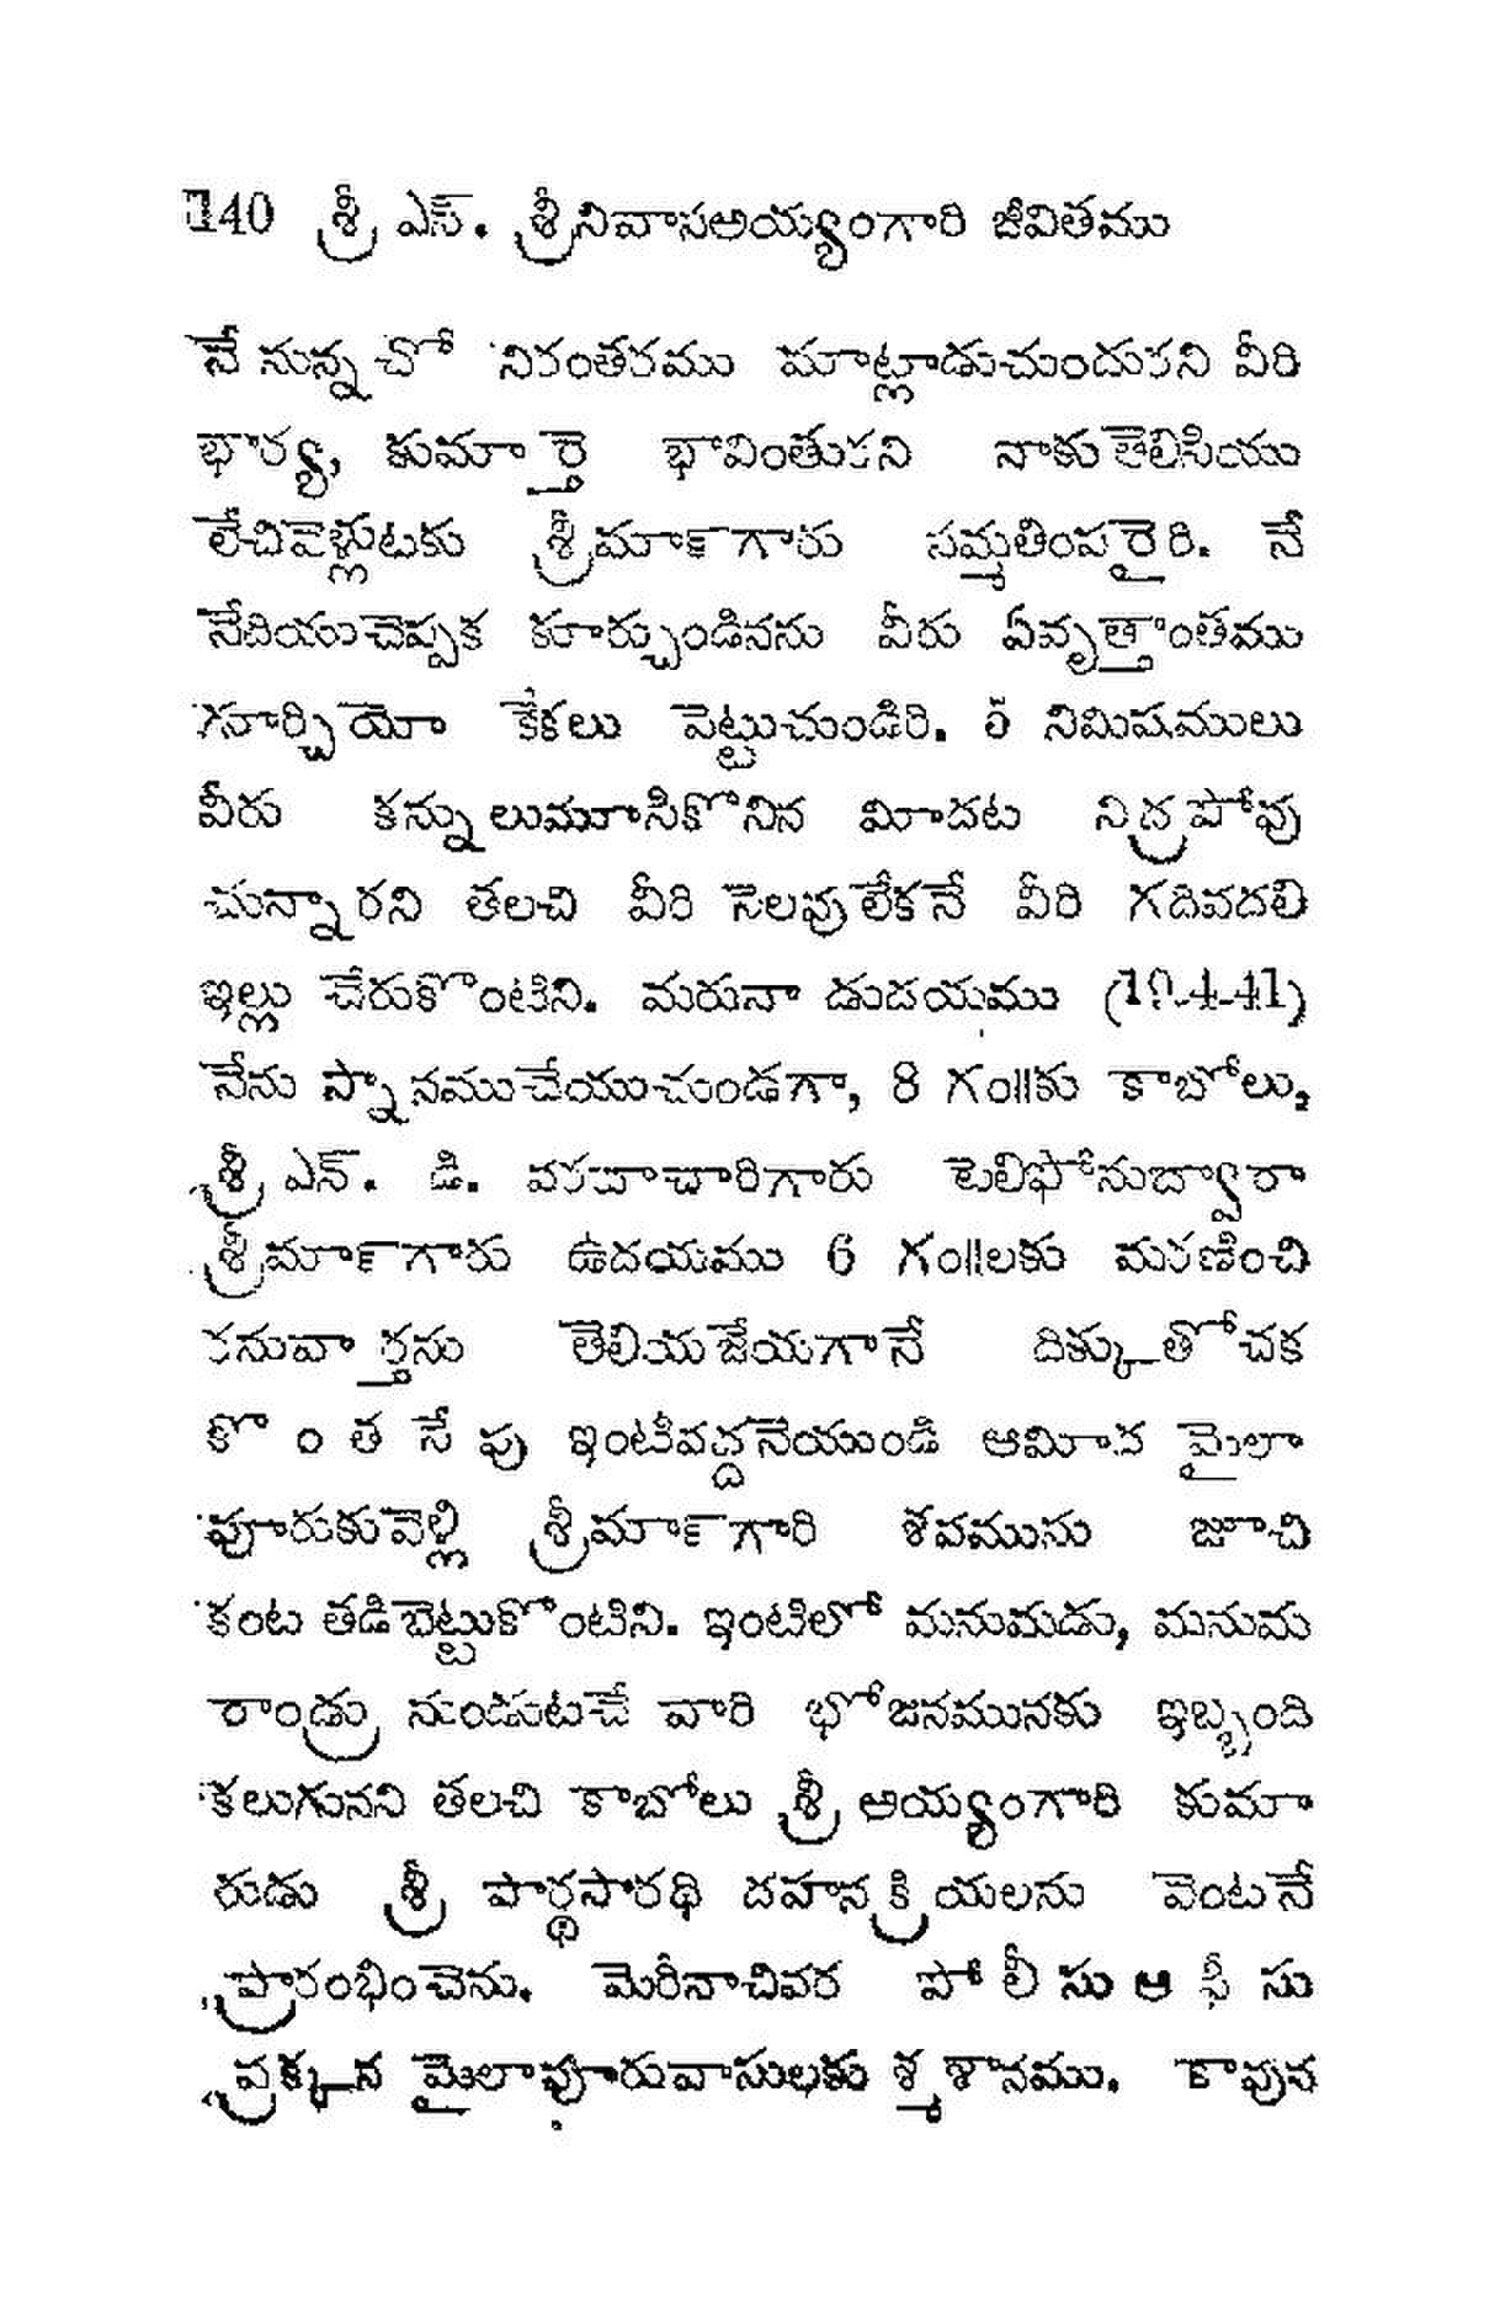నే నున్నచో నిరంతరము మాట్లాడుచుందురని వీరి భార్య, కుమార్తె భావింతురని నాకుతెలిసియు లేచివెళ్లుటకు శ్రీమా౯గారు సమ్మతింపరైరి. నే నేదియుచెప్పక కూర్చుండినను వీరు ఏవృత్తాంతము గూర్చియో కేకలు పెట్టుచుండిరి. 5 నిమిషములు వీరు కన్నులుమూసికొనిన మీదట నిద్రపోవుచున్నారని తలచి వీరి సెలవులేకనే వీరి గదివదలి ఇల్లు చేరుకొంటిని. మరునా డుదయము (19-4-41) నేను స్నానముచేయుచుండగా, 8 గం!కు కాబోలు, శ్రీ ఎన్. డి. వరదాచారిగారు టెలిఫోనుద్వారా శ్రీమా౯గారు ఉదయము 6 గం||లకు మరణించి రనువార్తను తెలియజేయగానే దిక్కుతోచక కొంతసేపు ఇంటివద్దనెయుండి ఆమీద మైలాపూరుకువెళ్లి శ్రీమా౯గారి శవముసు జూచి కంట తడిబెట్టుకొంటిని. ఇంటిలో మనుమడు, మనుమరాండ్రు, నుండుటచే వారి భోజనమునకు ఇబ్బంది కలుగునని తలచి కాబోలు శ్రీ అయ్యంగారి కుమారుడు శ్రీ పార్థసారథి దహనక్రియలను వెంటనే ప్రారంభించెను. మెరినాచివర పోలీసు ఆఫీసు ప్రక్కన మైలాపూరువాసులకు శ్మశానము. కావున